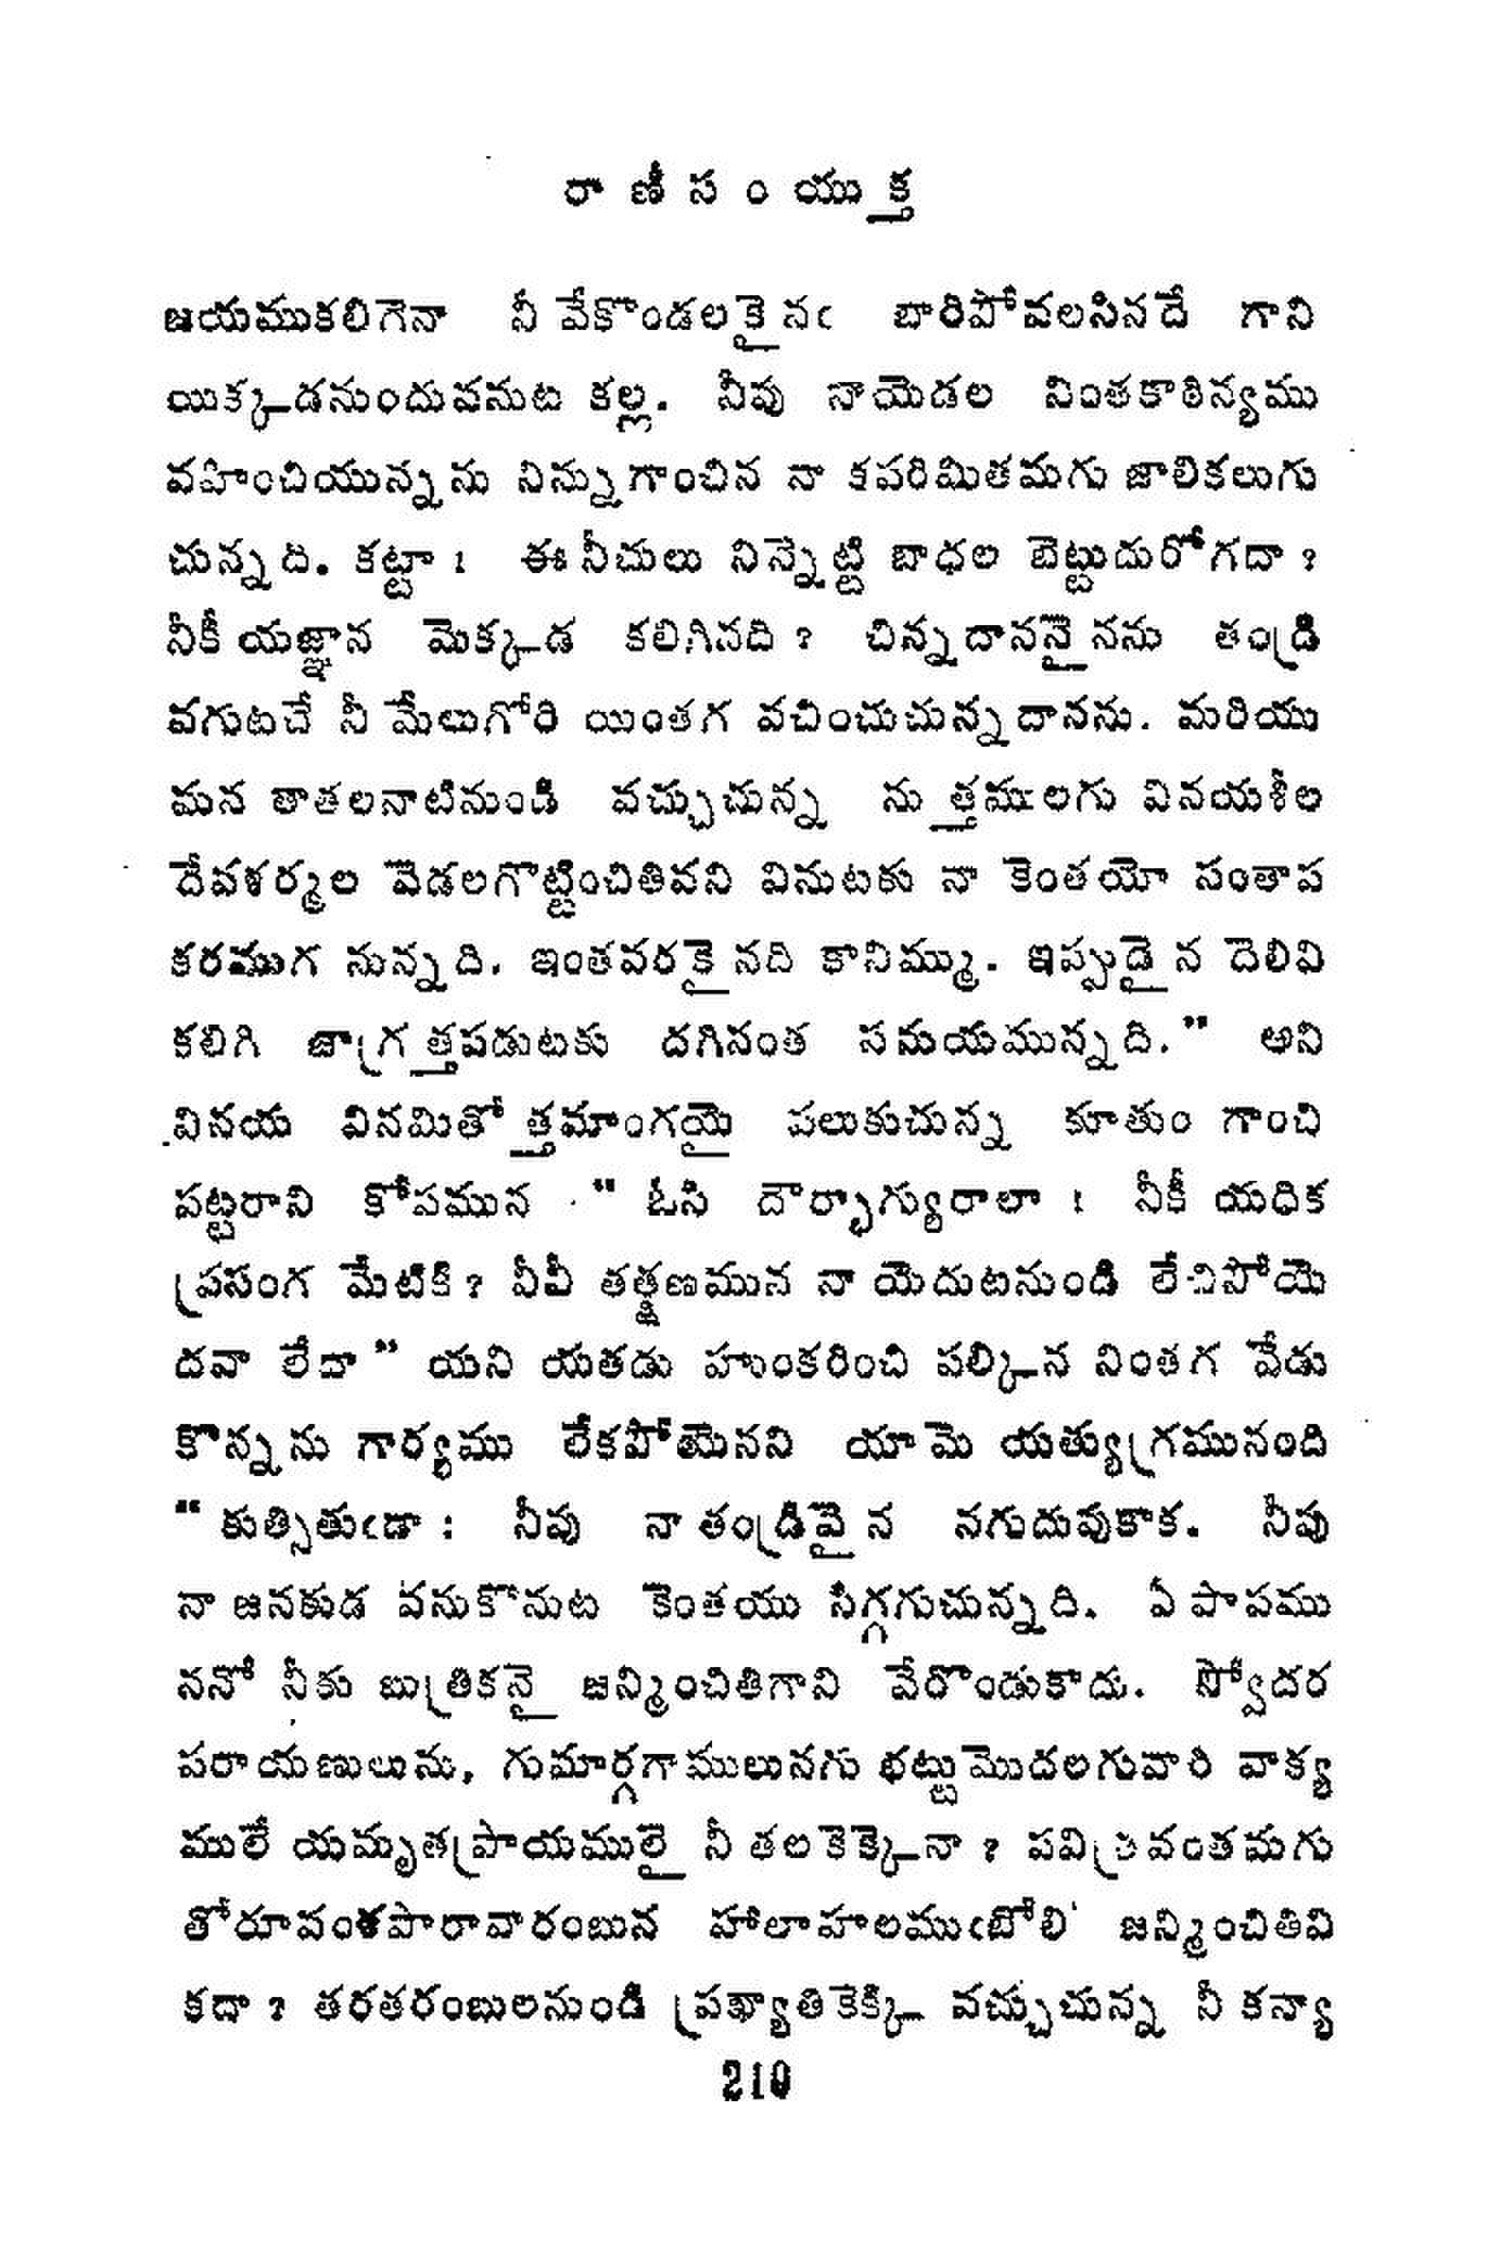జయముకలిగెనా నీ వేకోండలకైనఁ బారిపోవలసినదే గాని యిక్కడనుందువనుట కల్ల. నీవు నాయెడల నింతకాఠిన్యము వహించియున్నను నిన్నుగాంచిన నా కపరిమితమగు జాలికలుగు చున్నది. కట్టా ! ఈనీచులు నిన్నెట్టి బాధల బెట్టుదురోగదా? నీకీ యజ్ఞాన మెక్కడ కలిగినది? చిన్నదాననైనను తండ్రి వగుటచే నీ మేలుగోరి యింతగ వచించుచున్నదానను. మరియు మన తాతలనాటినుండి వచ్చుచున్న నుత్తములగు వినయశీల దేవశర్మల వెడలగొట్టించితివని వినుటకు నా కెంతయో సంతాపకరముగ నున్నది. ఇంతవరకైనది కానిమ్ము. ఇప్పుడైన దెలివి కలిగి జాగ్రత్తపడుటకు దగినంత సనుయమున్నది." అని వినయ వినమితోత్తమాంగయై పలుకుచున్న కూతుం గాంచి పట్టరాని కోసమున . " ఓసీ దౌర్భాగ్యురాలా ! నీకీ యధిక ప్రసంగ మేటికి ? నీవీ తత్క్షణమున నా యెదుటనుండి లేనిపోయెదవా లేదా" యని యతడు హుంకరించి పల్కిన నింతగ వేడుకొన్నను గార్యము లేకపోయెనని యామె యత్యుగ్రమునంది " కుత్సితుఁడా : నీవు నా తండ్రివైన నగుదువుకాక. నీవు నా జనకుడు ననుటకెంతయు సిగ్గగుచున్నది. ఏ పాపముననో నీకు బుత్రికనై జన్మించితిగాని వేరొండుకాదు. స్వోదర పరాయణులును, గుమార్గగాములునగు భట్టుమొదలగువారి వాక్యములే యమృతప్రాయములై నీ తలకెక్కెనా ? పవిత్రవంతమగు తోరూవంశపారావారంబున హాలాహలముఁబోలి' జన్మించితివి కదా? తరతరంబులనుండి ప్రఖ్యాతికెక్కి వచ్చుచున్న నీకన్యా